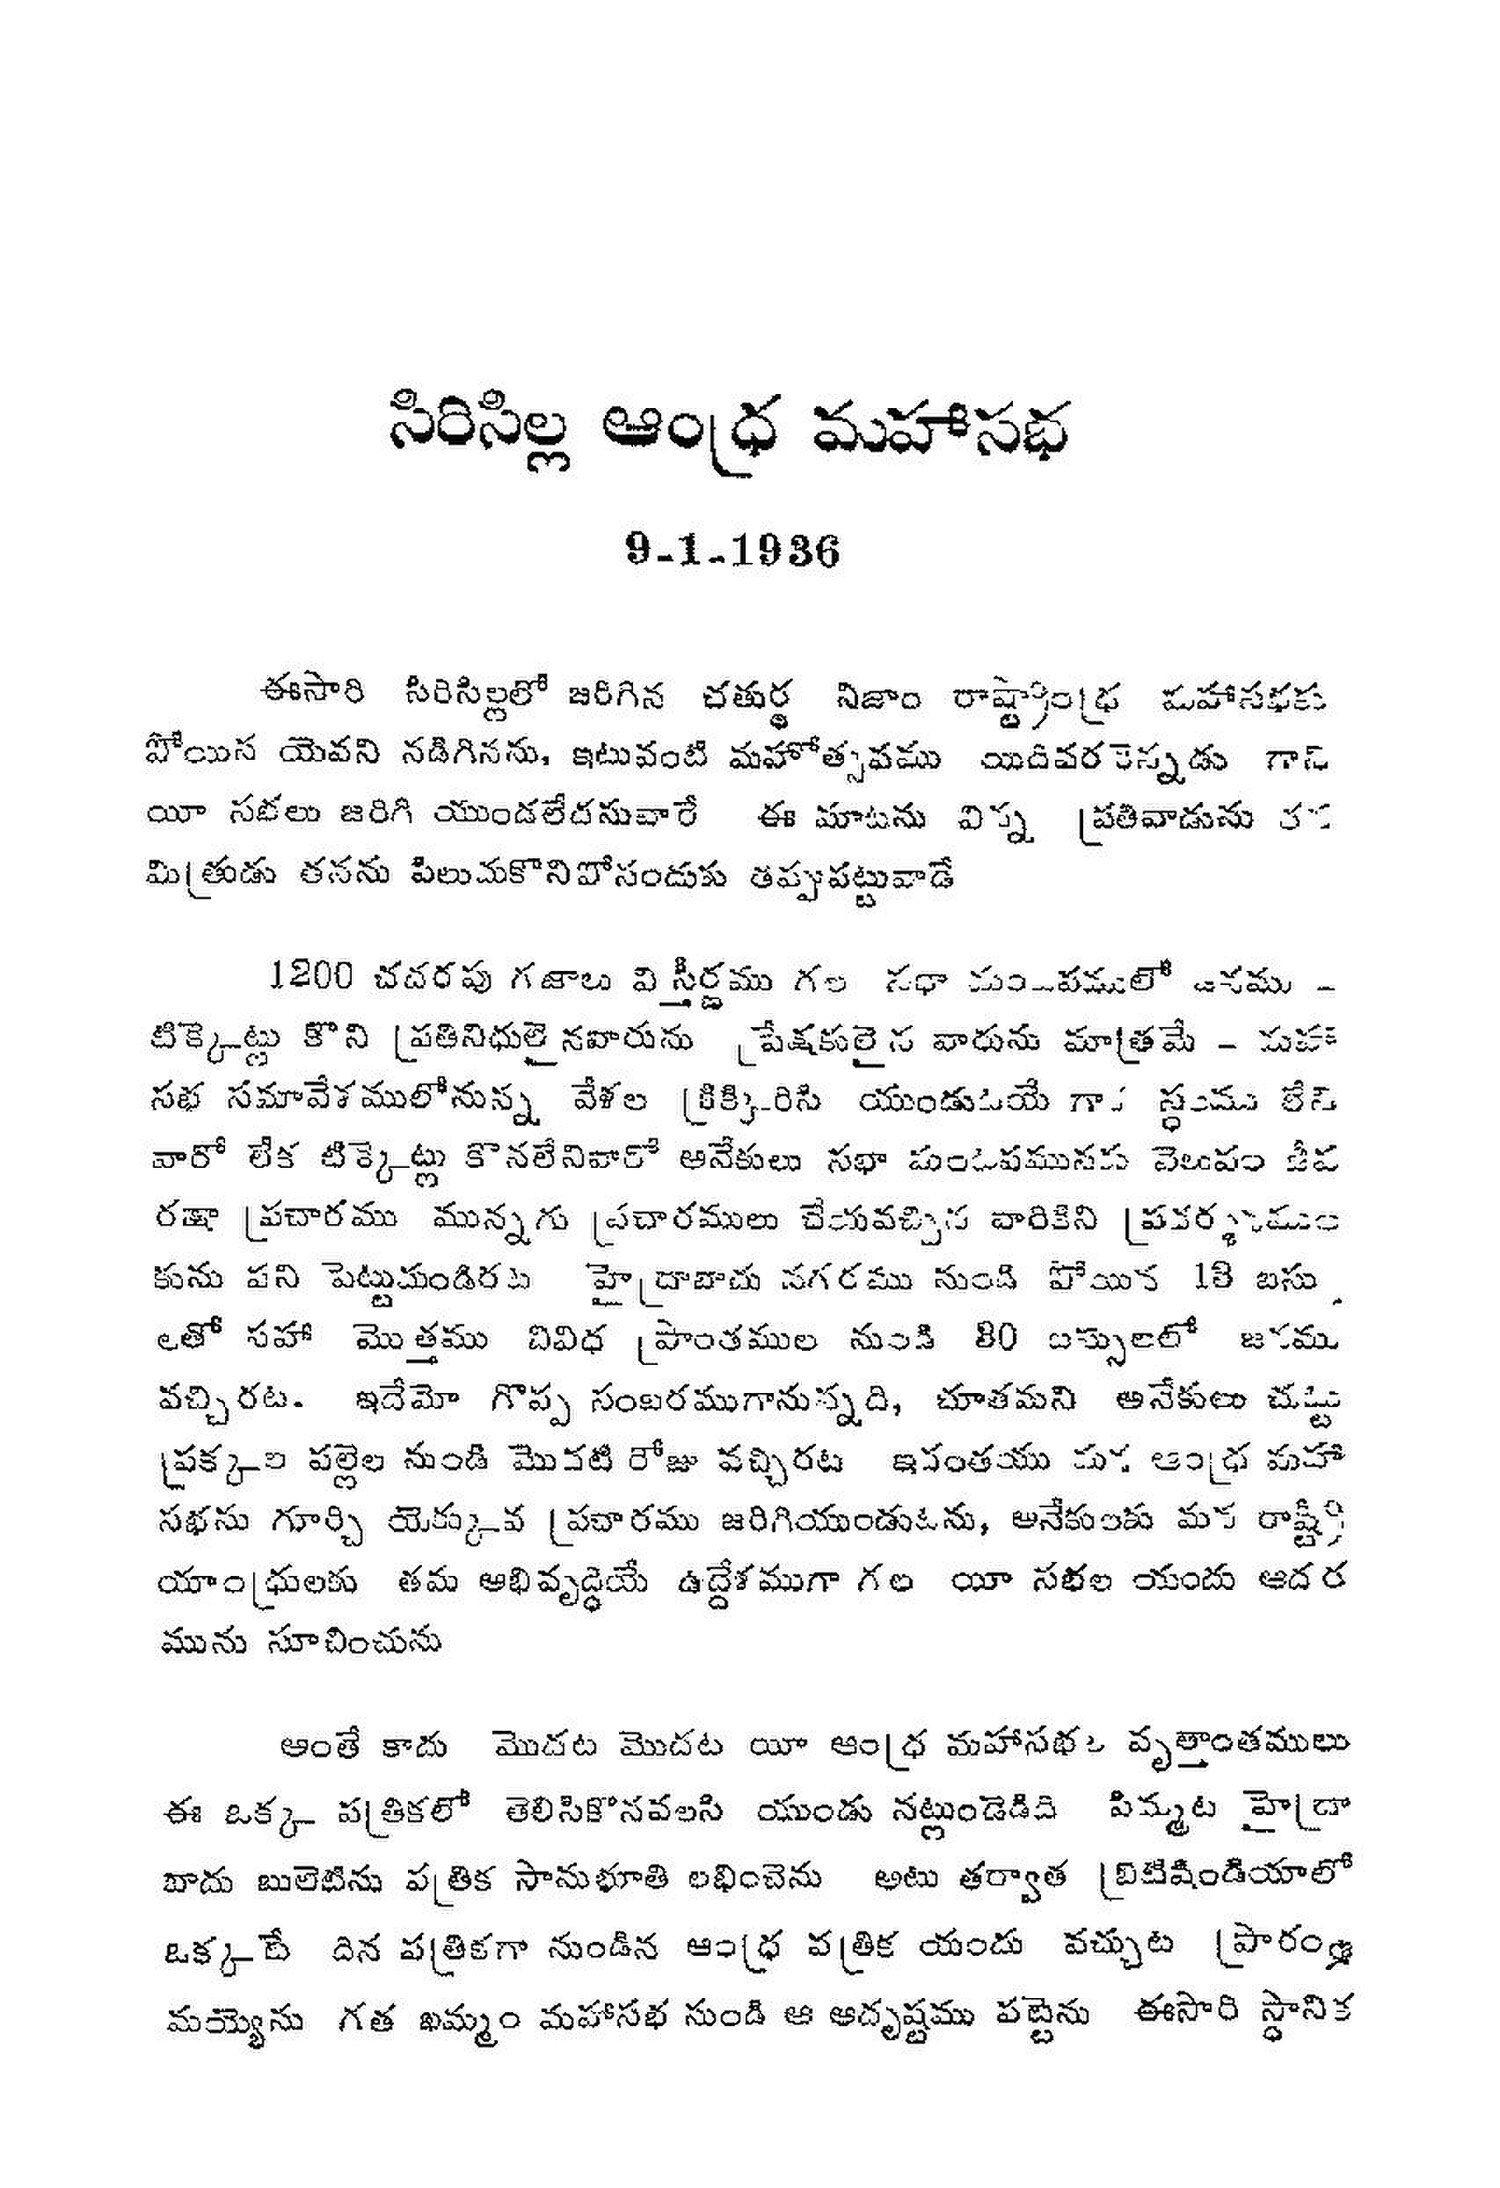సిరిసిల్ల ఆంధ్ర మహాసభ

9 - 1 - 1936

ఈసారి సిరిసిల్లలో జరిగిన చతుర్థ నిజాం రాష్ట్రాంధ్ర మహాసభకు పోయిన యెవని నడిగినను, ఇటువంటి మహోత్సవము యిదివరకెన్నడు గాని యీ సభలు జరిగి యుండలేదనువారే ఈ మాటను విన్న ప్రతివాడును తన మిత్రుడు తనను పిలుచుకొనిపోనందుకు తప్పుపట్టువాడే

1200 చదరపు గజాలు విస్తీర్ణము గల సభా మంటపములో జనము - టిక్కెట్లు కొని ప్రతినిధులైనవారును ప్రేక్షకులైన వారును మాత్రమే - మహాసభ సమావేశములోనున్న వేళల క్రిక్కిరిసి యుండుటయే గాక స్థలము లేని వారో లేక టిక్కెట్లు కొనలేనివారో అనేకులు సభా మండపమునకు వెలుపల జీవరక్షా ప్రచారము మున్నగు ప్రచారములు చేయవచ్చిన వారికిని ప్రదర్శనములకును పని పెట్టుచుండిరట హైద్రాబాదు నగరము నుండి పోయిన 13 బస్సులతో సహా మొత్తము వివిధ ప్రాంతముల నుండి 30 బస్సులలో జనము వచ్చిరట. ఇదేమో గొప్ప సంబరముగానున్నది, చూతమని అనేకులు చుట్టుప్రక్కల పల్లెల నుండి మొదటి రోజు వచ్చిరట ఇదంతయు మన ఆంధ్ర మహాసభను గూర్చి యెక్కువ ప్రచారము జరిగియుండుటను, అనేకులకు మన రాష్ట్రీయాంధ్రులకు తమ అభివృద్ధియే ఉద్దేశముగా గల యీ సభల యందు ఆదరమును సూచించును

అంతే కాదు మొదట మొదట యీ ఆంధ్ర మహాసభల వృత్తాంతములు ఈ ఒక్క పత్రికలో తెలిసికొనవలసి యుండు నట్లుండెడిది పిమ్మట హైద్రాబాదు బులెటిను పత్రిక సానుభూతి లభించెను అటు తర్వాత బ్రిటిషిండియాలో ఒక్కటే దిన పత్రికగా నుండిన ఆంధ్ర పత్రిక యందు వచ్చుట ప్రారంభమయ్యెను గత ఖమ్మం మహాసభ నుండి ఆ అదృష్టము పట్టెను ఈసారి స్థానిక